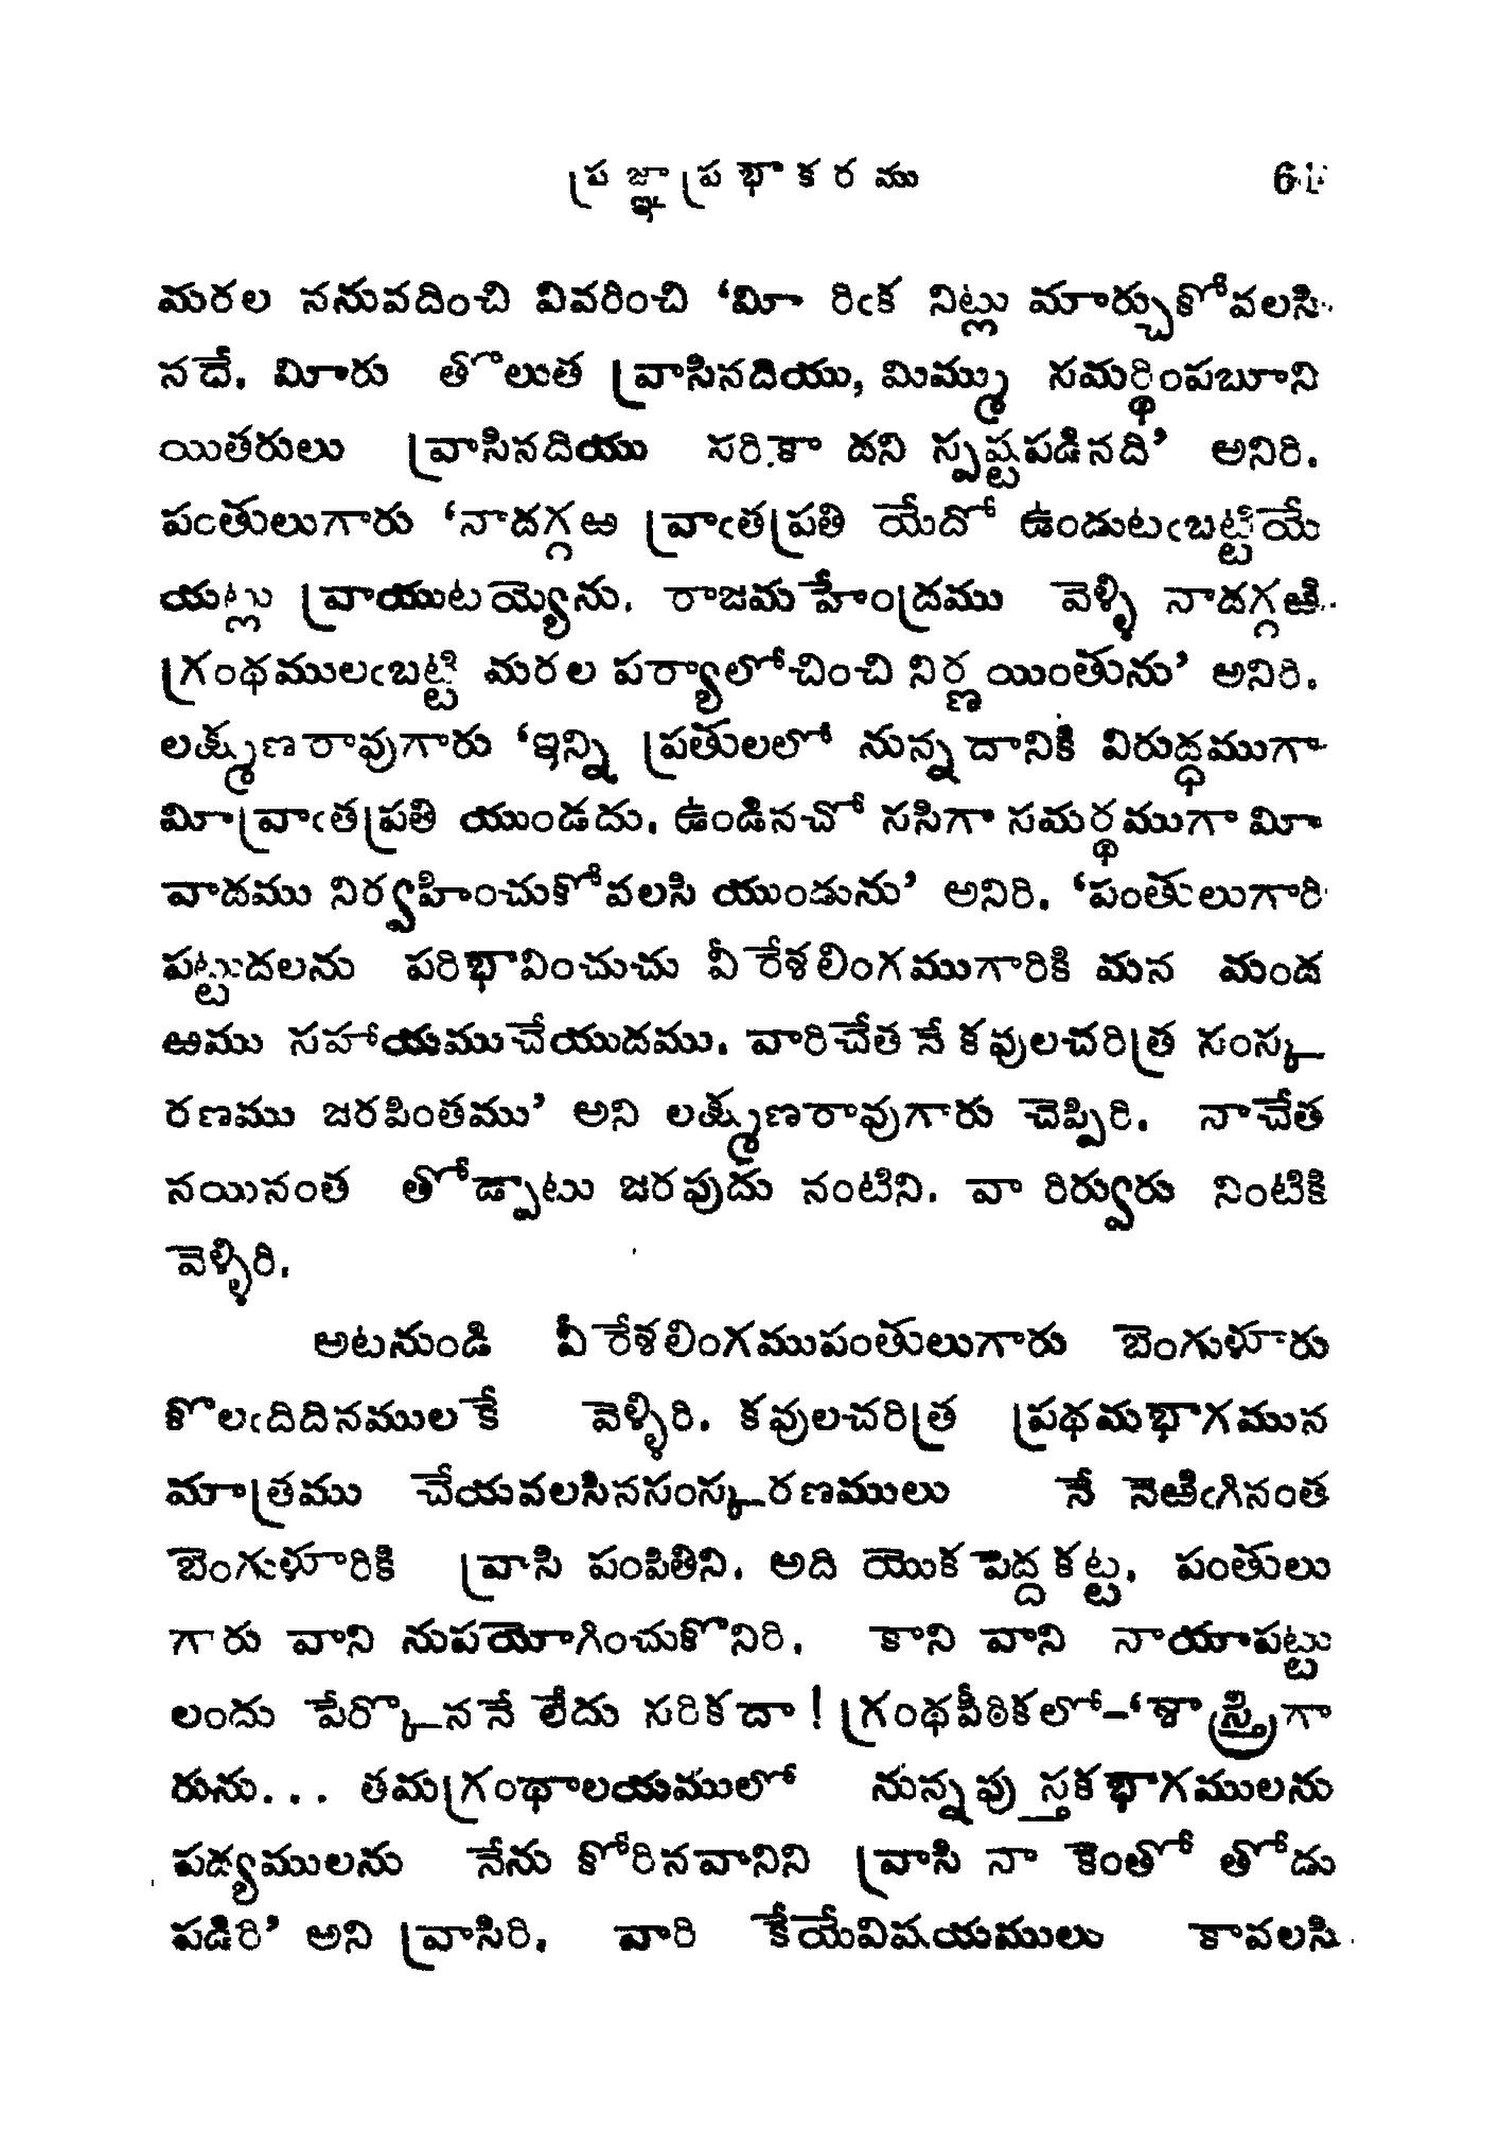మరల ననువదించి ' మి రిఁ క నిట్లు మార్చుకోవలసినదే. తొలుత వ్రాసినదియు సరికా దని స్పష్టపడినది' అనిరి. పంతులుగారు ' నా దగ్గఱ వ్రాఁ త ప్రతి యేదో ఉండు టఁ బట్టియే యట్లు వ్రాయటయ్యెను. రాజమహేంద్రము వెళ్ళి నా దగ్గఱి గ్రంధములఁ బట్టి మరల పర్యలోచించి నిర్ణయింతును' అనిరి. లక్ష్మణ రావుగారు' ఇన్ని పత్రులలో నున్న దానికి విరుద్ధముగా మి వ్రాఁ త ప్రతి యుండదు. ఉండినచో ససిగా సమర్ధముగా మి వాదము నిర్వహించు కోవలసి యుండును 'అనిరి.' పంతులు గారి పట్టుదల పరిభావించుచు వీరేశలింగము గారికి మన మందఱము సహాయము చేయుదము. వారిచేతనే కవుల చరిత్ర సంస్కరణము జరపింతము' అని లక్ష్మణరావుగారు చెప్పిరి.నా చేతనయినంత తోడ్పాటు జరపుదు నంటిని. వా రిర్వురు నింటికి వెళ్ళిరి.

అటనుండి వీరేశలింగము పంతులుగారు బెంగుళూరు కొలఁది దినములకే వెళ్ళిరి. కవుల చరిత్ర ప్రధమ భాగమున మాత్రము చేయవలసిన సంస్కరణములు నే నెఱిఁగినంత బెంగుళూరికి వ్రాసి పంపితిని. అది యొక పెద్దకట్ట పంతులు గారు వాని నుపయోగించుకొనిరి. కాని వాని నా యాపట్టులందు పెర్కొననే లేదు సరికదా! గ్రంధ పీఠికలో- 'శాస్త్రి గారును . . . తమ గ్రంధాలయములో నున్న పుస్తకభాగములను పద్యములను నేను కోరినవానిని వ్రాసి నా కెంతో తోడుపడిరి' అని వ్రాసిరి. వారి కేయే విషయములు కావలసి